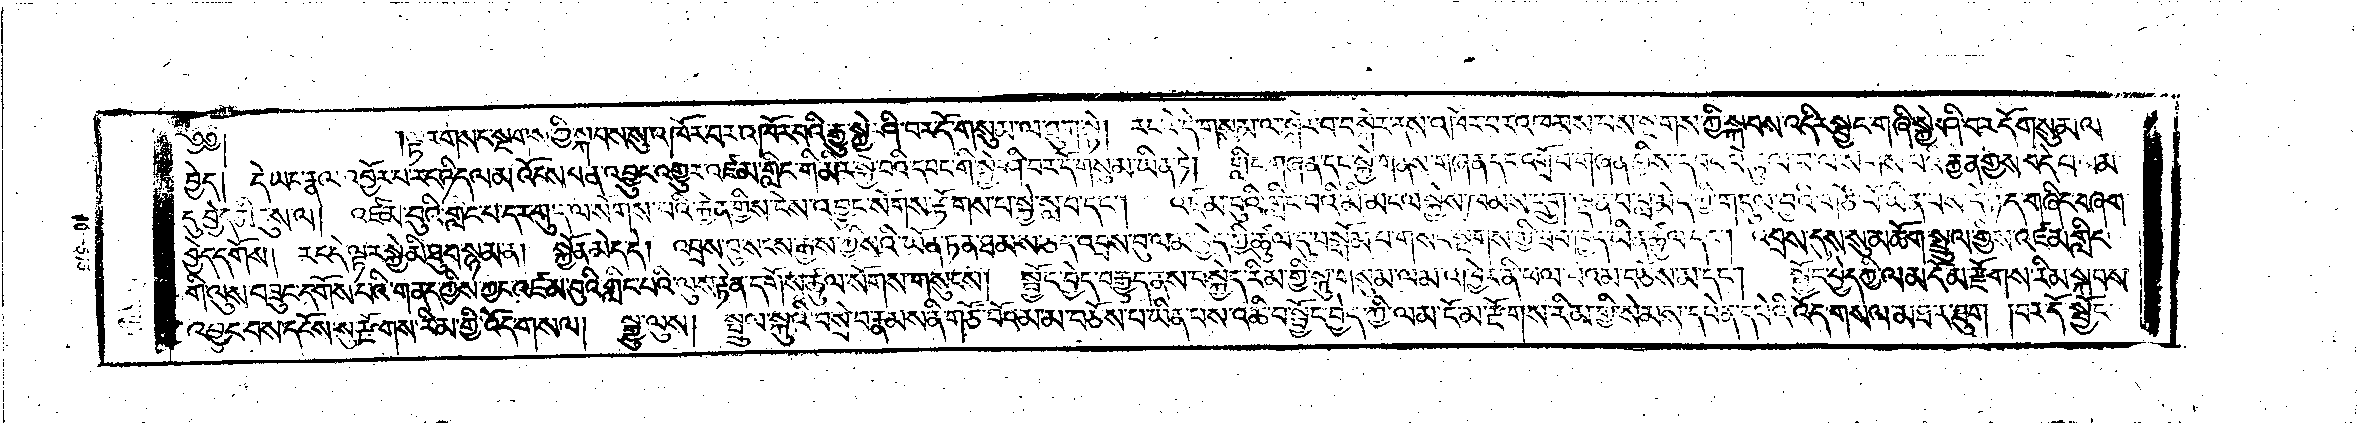༄༅། །ལྟར་གསང་སྔགས་ཀྱི་སྐབས་སུ་འཁོར་བར་འཁོར་བའི་རྒྱུ་སྐྱེ་ཤི་བར་དོ་གསུམ་ལ་ཐུག་སྟེ། རང་རེ་དེ་གསུམ་ལ་སྐོར་བ་བསྐོར་ནས་འཁོར་བར་འཁྱམས་པས་སྔགས་ཀྱི་སྐབས་འདིར་སྦྱང་གཞི་སྐྱེ་ཤི་བར་དོ་གསུམ་ལ་
བྱེད༑ དེ་ཡང་རྣལ་འབྱོར་བ་རང་ཉིད་ལ་མ་འོངས་པ་ན་འབྱུང་འགྱུར་འཛམ་གླིང་གི་མིར་སྐྱེ་བའི་དབང་གི་སྐྱེ་ཤི་བར་དོ་གསུམ་ཡིན་ཏེ། གླིང་གཞན་དང་སྐྱེ་གནས་གཞན་དང་འགྲོ་བ་གཞན་གྱིས་དབང་པོ་རྟུལ་བ་ལ་སོགས་པའི་རྐྱེན་གྱི་བདེ་བ་ལམ་
དུ་བྱེད་མི་ནུས་ལ། འཛམ་བུའི་གླིང་པ་དར་གུད་ལ་སོགས་པའི་རྐྱེན་གྱིས་ངེས་འབྱུང་སོགས་རྟོགས་པ་སྐྱེ་སླ་བ་དང་། འཛམ་བུའི་གླིང་བའི་མི་མངལ་སྐྱེས་ཁམས་དྲུག་ལྡན་པ་བླ་མེད་ཀྱི་གདུལ་བྱའི་གཙོ་བོ་ཡིན་པས་དེ་ཉིད་གཞིར་བཞག་
བྱེད་དགོས། རང་དེ་ལྟར་སྐྱེ་མི་ཐུབ་སྙམ་ན། སྐྱོན་མེད་དེ། འབྲས་བུ་སངས་རྒྱས་ཀྱི་སའི་ཡོན་ཏན་ཐམས་ཅད་འབྲས་བུ་ལམ་བྱེད་ཀྱི་ཚུལ་དུ་བསྒོམ་པ་གསང་སྔགས་ཀྱི་ཟབ་ཁྱད་ཡིན་ཚུལ་དང་། འབྲས་དུས་སུ་མཆོག་སྤྲུལ་གྱིས་འཛམ་གླིང་
གི་ལུས་བཟུང་དགོས་པའི་གནད་ཀྱིས་ཀྱང་འཛམ་བུའི་གླིང་པའི་ལུས་རྟེན་དགོས་ཚུལ་སོགས་གསུངས། སྦྱོང་བྱེད་བརྒྱུད་ནས་བསྐྱེད་རིམ་གྱི་སྐུ་གསུམ་ལམ་འཁྱེར་ནི་ཕལ་པའམ་བཅོས་མ་དང་། སྦྱོང་བྱེད་ཀྱི་ལམ་ངོ་མ་རྫོགས་རིམ་སྐབས་
འབྱུང་བས་དངོས་སུ་རྫོགས་རིམ་གྱི་འོད་གསལ། སྒྱུ་ལུས། སྤྲུལ་སྐུའི་བསྲེ་བ་རྣམས་ནི་གཙོ་བོའམ་མ་བཅོས་པ་ཡིན་པས་འཆི་བ་སྦྱོང་བྱེད་ཀྱི་ལམ་ངོ་མ་རྫོགས་རིམ་གྱི་སེམས་དབེན་དཔེའི་འོད་གསལ་མཐར་ཐུག །བར་དོ་སྦྱོང་